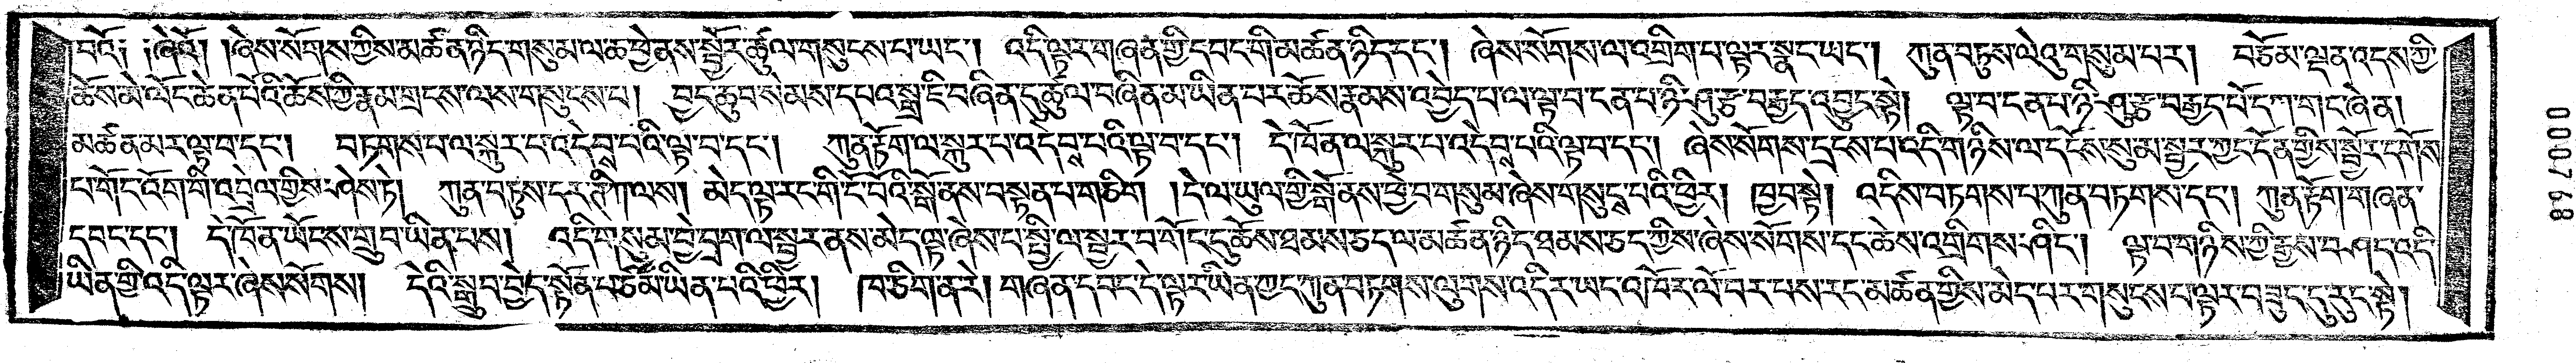བའོ༑ ༑ཞེའོ། །ཞེས་སོགས་ཀྱིས་མཚན་ཉིད་གསུམ་ལ་ཆ་ཕྱེ་ནས་སྦྱོར་ཚུལ་གསུངས་པ་ཡང་། འདི་ལྟར་གཞན་གྱི་དབང་གི་མཚན་ཉིད་དང་། ཞེས་སོགས་ལ་འགྲིག་པ་ལྟར་སྣང་ཡང་། ཀུན་བཏུས་ལེའུ་གསུམ་པར། བཅོམ་ལྡན་འདས་ཀྱི་
ཆོས་མེ་ལོང་ཆེན་པོའི་ཆོས་ཀྱི་རྣམ་གྲངས་ལས་གསུངས་པ། བྱང་ཆུབ་སེམས་དཔའ་སྒྲ་ཇི་བཞིན་དུ་ཚུལ་བཞིན་མ་ཡིན་པར་ཆོས་རྣམས་འབྱེད་པ་ལ་ལྟ་བ་ངན་པ་ཉི་ཤུ་རྩ་བརྒྱད་འབྱུང་སྟེ། ལྟ་བ་ངན་པ་ཉི་ཤུ་རྩ་བརྒྱད་པོ་དག་གང་ཞེ་ན།
མཚན་མར་ལྟ་བ་དང་། བཏགས་པ་ལ་སྐུར་བ་འདེབས་པའི་ལྟ་བ་དང་། ཀུན་རྟོག་ལ་སྐུར་བ་འདེབས་པའི་ལྟ་བ་དང་། དེ་ཁོ་ན་ལ་སྐུར་བ་འདེབས་པའི་ལྟ་བ་དང་། ཞེས་སོགས་དྲངས་པ་འདི་གཉིས་ལ་དངོས་སུ་མ་སྦྱར་ཀྱང་དོན་གྱིས་སྦྱོར་དགོས་
པ་གོང་འོག་གི་འབྲེལ་གྱིས་ཤེས་ཏེ། ཀུན་བཏུས་དར་ཊིཀ་ལས། མེད་ལྟ་རང་གི་ངོ་བོའི་སྒོ་ནས་བསྟན་པ་གཅིག །དེ་ལ་ཡུལ་གྱི་སྒོ་ནས་ཕྱེ་བ་གསུམ་ཞེས་གསུངས་པའི་ཕྱིར། ཁྱབ་སྟེ། འདིས་བཏགས་པ་ཀུན་བཏགས་དང་། ཀུན་རྟོག་གཞན་
དབང་དང་། དེ་ཁོ་ན་ཡོངས་གྲུབ་ཡིན་པས། འདི་གསུམ་བྱེ་བྲག་ལ་སྦྱར་ནས་མེད་ལྟ་ཞེས་པ་སྤྱི་ལ་སྦྱར་བ་གོང་དུ་ཆོས་ཐམས་ཅད་ལ་མཚན་ཉིད་ཐམས་ཅད་ཀྱིས་ཞེས་སོགས་དང་ཆེས་འགྲིགས་ཤིང་། ལྟ་བ་གཉིས་ཀྱི་རྒྱས་བཤད་འདི་
ཡིན་གྱི་འདི་ལྟར་ཞེས་སོགས། དེའི་སྒྲུབ་བྱེད་སྟོན་པ་ཙམ་ཡིན་པའི་ཕྱིར། ཁ་ཅིག་ན་རེ། གཞན་དབང་དེ་ལྟར་ཡིན་ཀྱང་ཀུན་བཏགས་ལུགས་འདིར་ཡང་འཁོར་ལོ་བར་པས་རང་མཚན་གྱིས་མེད་པར་གསུངས་པ་ལྟར་བཟུང་དུ་རུང་སྟེ།